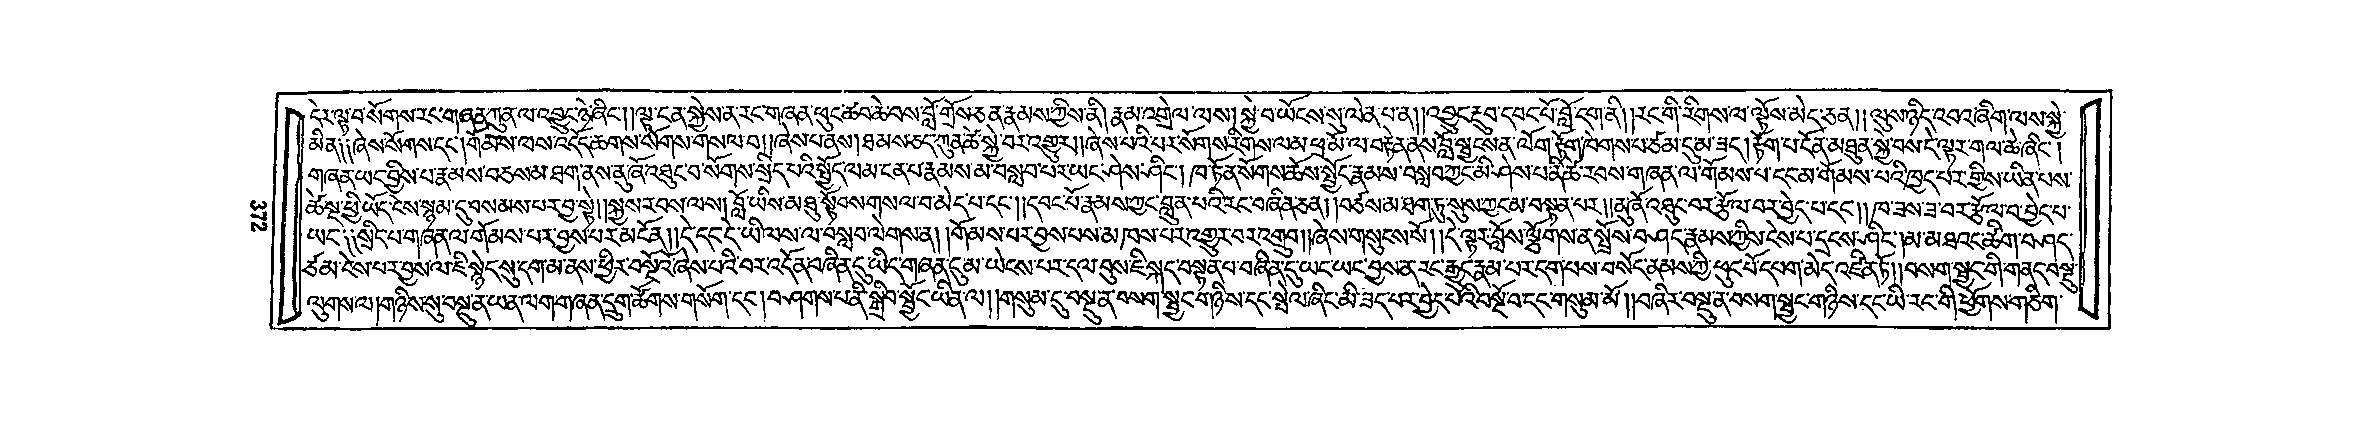དེར་ལྟ་བ་སོགས་རང་གཞན་ཀུན་ལ་འབྱུང་ཉེ་ཞིང་། །ལྟ་ངན་སྐྱེས་ན་རང་གཞན་ཕུང་ཚབ་ཆེ་བས་བློ་གྲོས་ཅན་རྣམས་ཀྱིས་ནི། རྣམ་འགྲེལ་ལས། སྐྱེ་བ་ཡོངས་སུ་ལེན་པ་ན། །འབྱུང་རྡུབ་དབང་པོ་བློ་དག་ནི། །རང་གི་རིགས་ལ་ལྟོས་མེད་ཅན། །ལུས་ཉིད་འབའ་ཞིག་ལས་སྐྱེ་
མིན། །ཞེས་སོགས་དང་། གོམས་ལས་འདོད་ཆགས་སོགས་གསལ་བ། །ཞེས་པ་ནས། ཐམས་ཅད་ཀུན་ཚེ་སྐྱེ་བར་འགྱུར། །ཞེས་པའི་པར་སོགས་རིགས་ལམ་ཕྲ་མོ་ལ་བརྟེན་ནས་བློ་སྦྱངས་ན་ལོག་རྟོག་ཁེགས་པ་ཙམ་དུ་མ་ཟད། རྟོག་པ་དོན་མཐུན་སྐྱེ་བས་དེ་ལྟར་གལ་ཆེ་ཞིང་།
གཞན་ཡང་བྱིས་པ་རྣམས་བཅས་མ་ཐག་ནས་ནུ་ཞོ་འཐུང་བ་སོགས་སྲིད་པའི་སྤྱོད་ལམ་ངན་པ་རྣམས་མ་བསླབ་པར་ཡང་ཤེས་ཤིང་། ཁ་ཏོན་སོགས་ཆོས་སྤྱོད་རྣམས་བསླབ་ཀྱང་མི་ཤེས་པ་ནི་ཚེ་རབས་གཞན་ལ་གོམས་པ་དང་མ་གོམས་པའི་ཁྱད་པར་གྱིས་ཡིན་པས་
ཚེ་སྔ་ཕྱི་ཡོད་ངེས་སྙམ་དུ་བསམས་པར་བྱ་སྟེ། །སྐྱས་རབས་ལས། བློ་ཡིས་མཐུ་སྟོབས་གསལ་བ་མེད་པ་དང་། །དབང་པོ་རྣམས་ཀྱང་བླུན་པའི་རང་བཞིན་ཅན། །བཙས་མ་ཐག་ཏུ་སུས་ཀྱང་མ་བསྟན་པར། །ནུ་ཞོ་འཐུང་བར་རྩོལ་བར་བྱེད་པ་དང་། །ཁ་ཟས་ཟ་བར་རྩོལ་བ་བྱེད་པ་
ཡང་། །སྲིད་པ་གཞན་ལ་གོམས་པར་བྱས་པར་མངོན། །དེ་དང་དེ་ཡི་ལས་ལ་བསླབ་ལེགས་ན། །གོམས་པར་བྱས་པས་མཁས་པར་འགྱུར་བར་འགྲུབ། །ཞེས་གསུངས་སོ། །དེ་ལྟར་བློས་ལྕོགས་ན་སྤྲོས་བཤད་རྣམས་ཀྱིས་ངེས་པ་དྲངས་ཤིང་། མ་མཐའང་ཚིག་བཤད་
ཙམ་ངེས་པར་བྱས་ལ་ཇི་སྙེད་སུ་དག་མ་ནས་ཕྱིར་བསྔོའོ་ཞེས་པའི་བར་འདོན་བཞིན་དུ་ཡིད་གཞན་དུ་མ་ཡེངས་པར་དལ་བུས་ཇི་སྐད་བསྟན་པ་བཞིན་དུ་ཡང་ཡང་བྱས་ན་རང་རྒྱུད་རྣམ་པར་དག་པས་བསོད་ནམས་ཀྱི་ཕུང་པོ་དཔག་མེད་འཛིན་ཏོ། །བསག་སྦྱང་གི་གནད་བསྡུ་
ལུགས་ལ། གཉིས་སུ་བསྡུ་ན་ཡན་ལག་གཞན་དྲུག་ཚོགས་གསོག་དང་། བཤགས་པ་ནི་སྒྲིབ་སྦྱོང་ཡིན་ལ། །གསུམ་དུ་བསྡུ་ན་བསག་སྦྱང་གཉིས་དང་སྤེལ་ཞིང་མི་ཟད་པར་བྱེད་པའི་བསྔོ་བ་དང་གསུམ་མོ། །བཞིར་བསྡུ་ན་བསག་སྦྱང་གཉིས་དང་ཡི་རང་གི་ཕྱོགས་གཅིག་